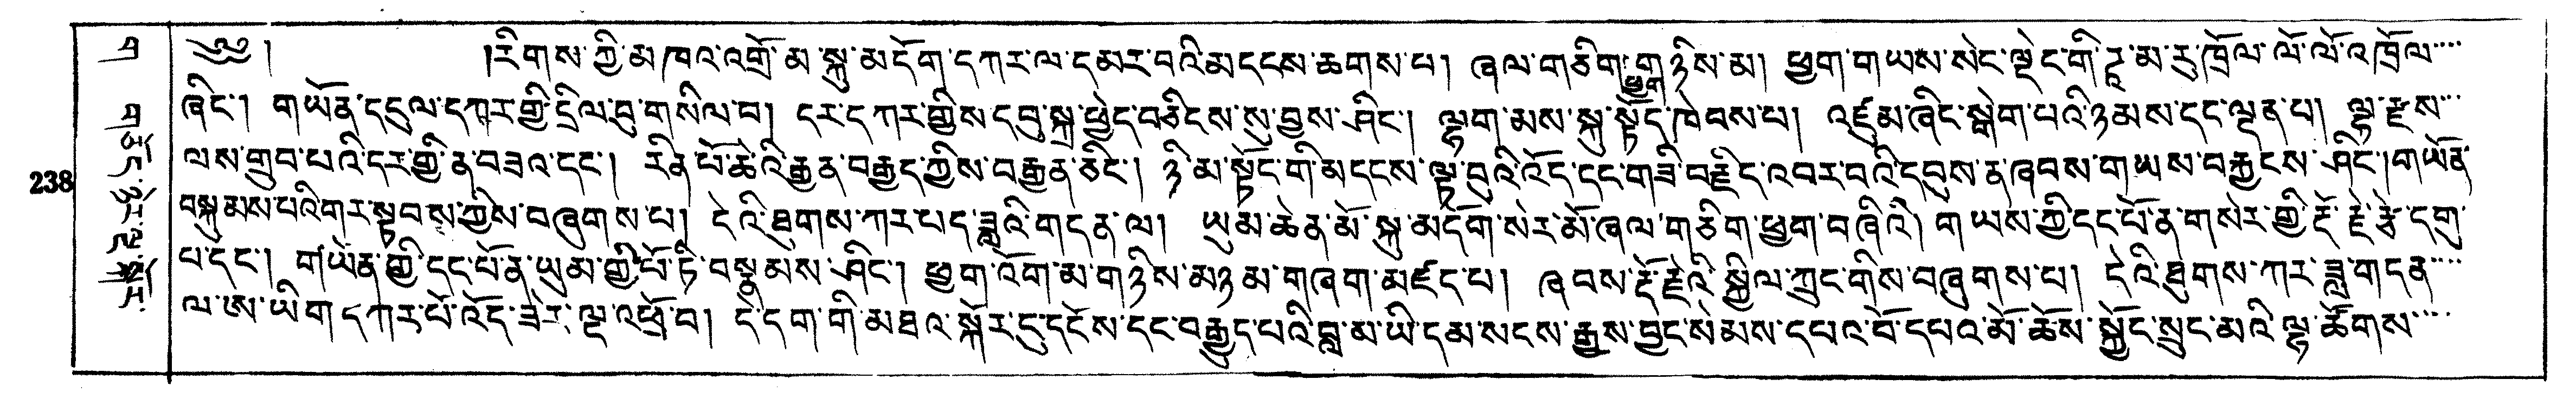༄༅། །རིགས་ཀྱི་མཁའ་འགྲོ་མ་སྐུ་མདོག་དཀར་ལ་དམར་བའི་མདངས་ཆགས་པ། ཞལ་གཅིག་ཕྱག་གཉིས་མ། ཕྱག་གཡས་སེང་ལྡེང་གི་ཌཱ་མ་རུ་ཁྲོལ་ལོ་ལོ་འཁྲོལ་
ཞིང་། གཡོན་དངུལ་དཀར་གྱི་དྲིལ་བུ་གསིལ་བ། དར་དཀར་གྱིས་དབུ་སྐྲ་ཕྱེད་བཅིངས་སུ་བྱས་ཤིང་། ལྷག་མས་སྐུ་སྟོད་ཁེབས་པ། འཛུམ་ཞིང་སྒེག་པའི་ཉམས་དང་ལྡན་པ། ལྷ་རྫས་
ལས་གྲུབ་པའི་དར་གྱི་ན་བཟའ་དང་། རིན་པོ་ཆེའི་རྒྱན་བརྒྱད་ཀྱིས་བརྒྱན་ཅིང་། ཉི་མ་སྟོང་གི་མདངས་ལྟ་བུའི་འོད་དང་གཟི་བརྗིད་འབར་བའི་དབུས་ན་ཞབས་གཡས་བརྐྱངས་ཤིང་། གཡོན་
བསྐུམས་པའི་གར་སྟབས་ཀྱིས་བཞུགས་པ། དེའི་ཐུགས་ཀར་པད་ཟླའི་གདན་ལ། ཡུམ་ཆེན་མོ་སྐུ་མདོག་སེར་མོ་ཞལ་གཅིག་ཕྱག་བཞིའི། གཡས་ཀྱི་དང་པོ་ན་གསེར་གྱི་རྡོ་རྗེ་རྩེ་དགུ་
པ་དང་། གཡོན་གྱི་དང་པོ་ན་ཡུམ་གྱི་པོ་ཏི་བསྣམས་ཤིང་། ཕྱག་འོག་མ་གཉིས་མཉམ་གཞག་མཛད་པ། ཞབས་རྡོ་རྗེའི་སྐྱིལ་ཀྲུང་གིས་བཞུགས་པ། དེའི་ཐུགས་ཀར་ཟླ་གདན་
ལ་ཨ་ཡིག་དཀར་པོ་འོད་ཟེར་ལྔ་འཕྲོ་བ། དེ་དག་གི་མཐའ་སྐོར་དུ་དངོས་དང་བརྒྱུད་པའི་བླ་མ་ཡི་དམ་སངས་རྒྱས་བྱང་སེམས་དཔའ་བོ་དཔའ་མོ་ཆོས་སྐྱོང་སྲུང་མའི་ལྷ་ཚོགས་